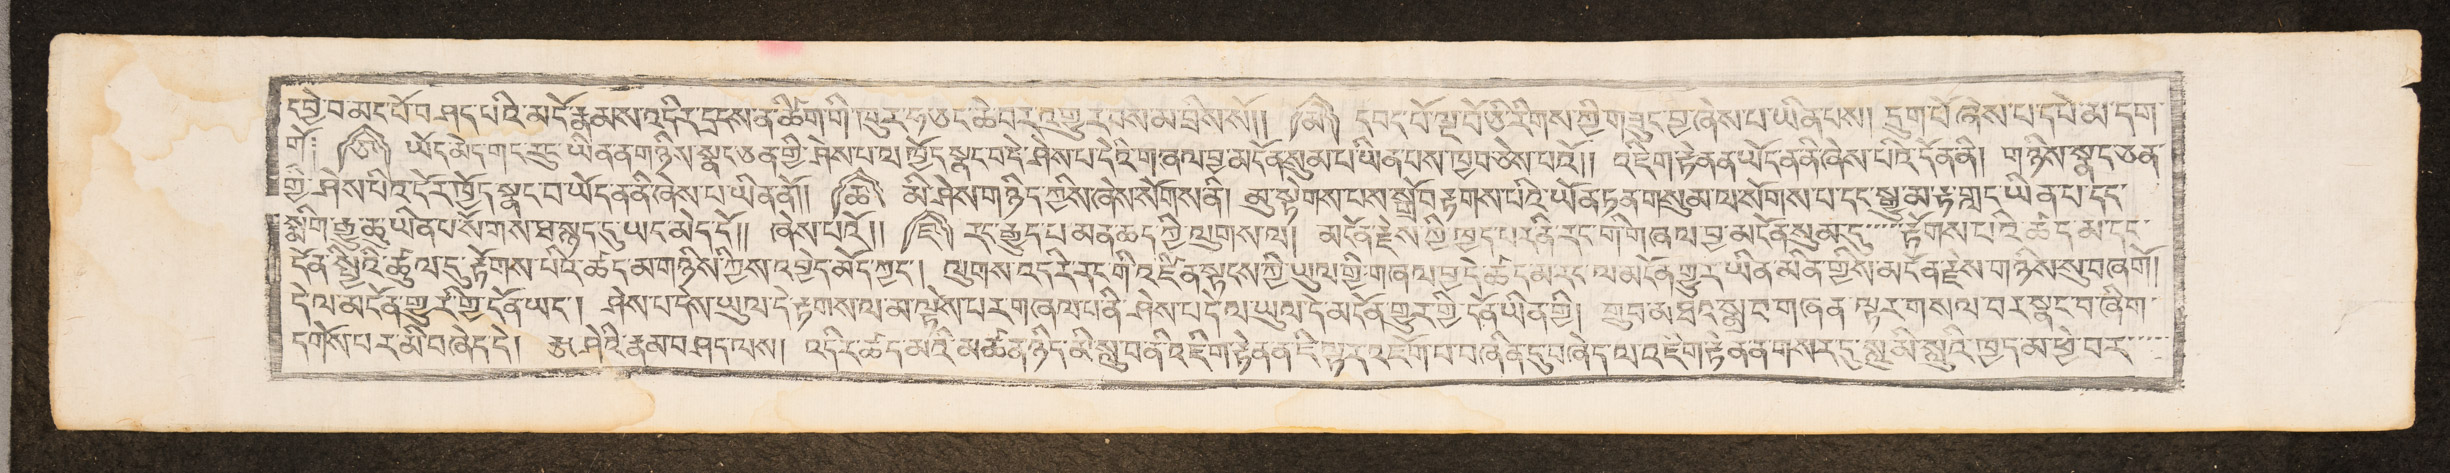དབྱེ་བ་མང་པོ་བཤད་པའི་མདོ་རྣམས་འདིར་དྲངས་ན་ཚིག་གི་ཁུར་ཧ་ཅང་ཆེ་བར་འགྱུར་བས་མ་བྲིས་སོ།། ༼༽མ༼༽ དབང་པོ་ལྔ་པོ་ཅི་རིགས་ཀྱི་གཟུང་བྱ་ཞེས་པ་ཡིན་པས། དྲུག་པོ་ཞེས་པ་དཔེ་མ་དག་
གོ ། ༼༽ཙ༼༽ ཡོད་མེད་གང་རུང་ཡིན་ན་གཉིས་སྣང་ཅན་གྱི་ཤེས་པ་ལ་ཁྱོད་སྣང་བ་དེ་ཤེས་པ་དེའི་གཞལ་བྱ་མངོན་སུམ་པ་ཡིན་པས་ཁྱབ་ཅེས་པའོ།། འཇིག་རྟེན་ན་ཡོད་ན་ནི་ཞེས་པའི་དོན་ནི། གཉིས་སྣང་ཅན་
གྱི་ཤེས་པའི་དོར་ཁྱོད་སྣང་བ་ཡོད་ན་ནི་ཞེས་པ་ཡིན་ནོ།། ༼༽ཚ༼༽ མི་ཤེས་གཉིད་ཀྱིས་ཞེས་སོགས་ནི། མུ་སྟེགས་པས་སྒྲོ་བརྟགས་པའི་ཡོན་ཏན་གསུམ་ལ་སོགས་པ་དང་སྒྱུ་མ་རྟ་གླང་ཡིན་པ་དང་
སྨིག་རྒྱུ་ཆུ་ཡིན་པ་སོགས་ཐ་སྙད་དུ་ཡང་མེད་དོ།། ཞེས་པའོ།། ༼༽ཛ༼༽ རང་རྒྱུད་པ་མན་ཆད་ཀྱི་ལུགས་ལ། མངོན་རྗེས་ཀྱི་ཁྱད་པར་ནི་རང་གི་གཞལ་བྱ་མངོན་སུམ་དུ་རྟོགས་པའི་ཚད་མ་དང་
དོན་སྤྱིའི་ཚུལ་དུ་རྟོགས་པའི་ཚད་མ་གཉིས་ཀྱིས་འབྱེད་མོད་ཀྱང་། ལུགས་འདིར་རང་གི་འཛིན་སྟངས་ཀྱི་ཡུལ་གྱི་གཞལ་བྱ་དེ་ཚད་མ་རང་ལ་མངོན་གྱུར་ཡིན་མིན་གྱིས་མངོན་རྗེས་གཉིས་སུ་བཞགོ །
དེ་ལ་མངོན་གྱུར་གྱི་དོན་ཡང་། ཤེས་པ་དེས་ཡུལ་དེ་རྟགས་ལ་མ་ལྟོས་པར་གཞལ་པ་ནི་ཤེས་པ་དེ་ལ་ཡུལ་དེ་མངོན་གྱུར་གྱི་དོན་ཡིན་གྱི། གྲུབ་མཐའ་སྨྲ་བ་གཞན་ལྟར་གསལ་བར་སྣང་བ་ཞིག་
དགོས་པར་མི་བཞེད་དེ། རྩ་ཤེའི་རྣམ་བཤད་ལས། འདིར་ཚད་མའི་མཚན་ཉིད་མི་སླུ་བ་ནི་འཇིག་རྟེན་ན་ཇི་ལྟར་འཇོག་པ་བཞིན་དུ་བཞེད་ལ་འཇིག་རྟེན་ན་གསར་དུ་སླུ་མི་སླུའི་ཁྱད་མ་ཕྱེ་བར་